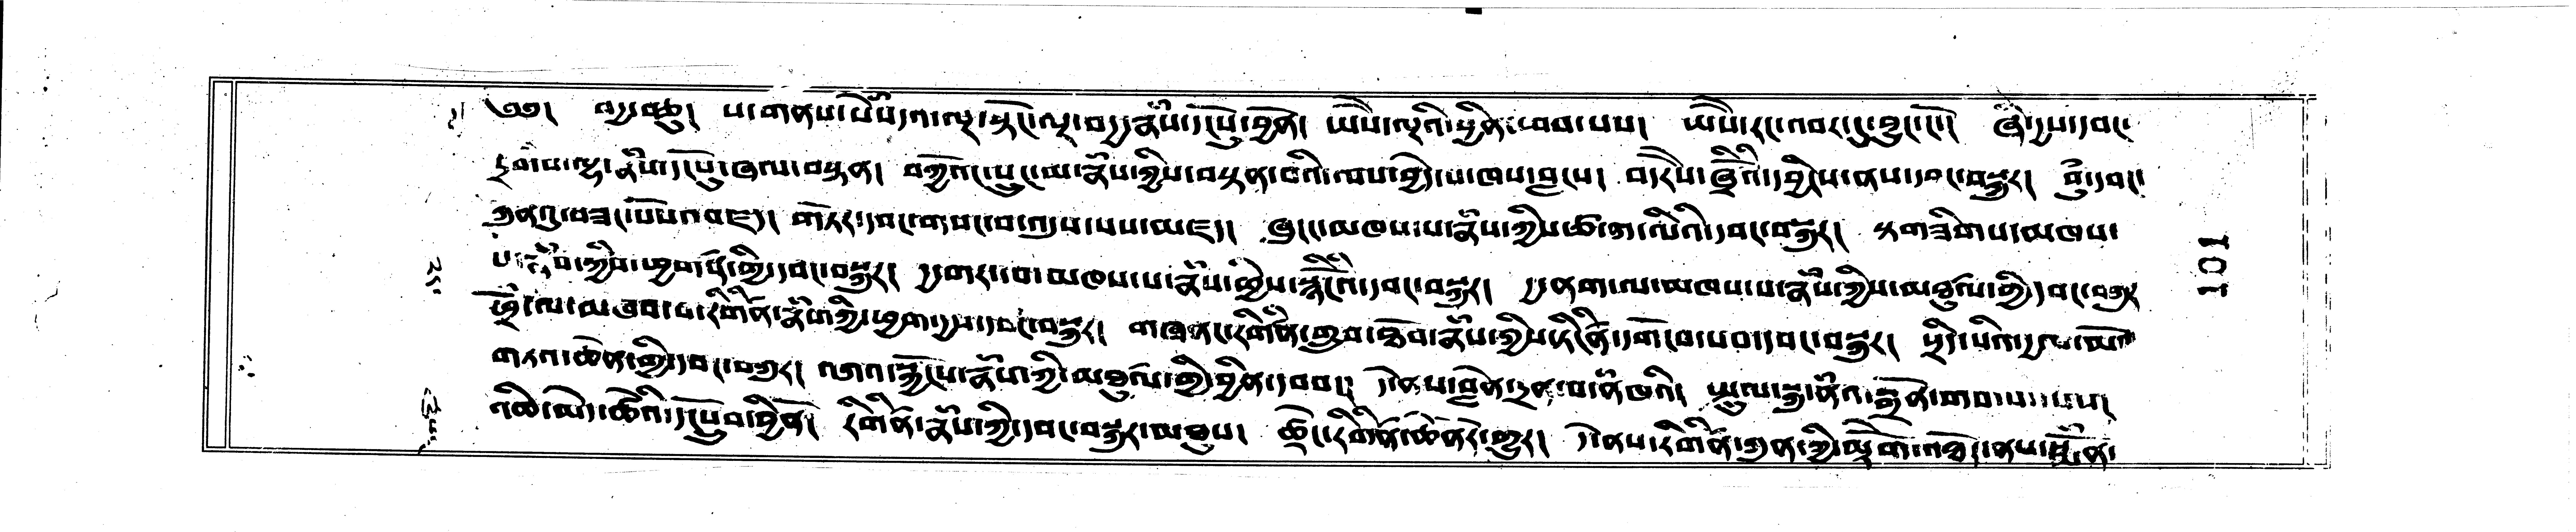བརྒྱ་བཅུ། ས་གནས་སེམས་དཔའ་ལྔ་སྟོང་ལྔ་བརྒྱ་རྣམས་དངོས་སུ་བྱོན། ཡེ་ཤེས་ལྔའིས་བྱིན་ཕབ་པས། ཡེ་ཤེས་རང་འབར་དུ་བྱུང་ངོ་། ཞི་རྒྱས་དབང་
དྲག་ལྷ་རྣམས་དངོས་སུ་ཞལ་བསྟན། བཀའ་སྐྱོང་སྲུང་མ་རྣམས་ཀྱིས་བསྟན་པའི་ལས་བྱེད་པ་ཁས་བླངས། བདེར་གཤེགས་ཞི་ཁྲོའི་དབྱིངས་ནས་དབང་བསྐུར། བུམ་དབང་
ཀུན་ཏུ་བཟང་པོས་མཛད། གཏོར་དབང་གསང་བ་འདུས་པས་མཛད། ཞང་ཞུང་མཁས་པ་རྣམས་ཀྱིས་ཙ་ཀ་ལིའི་དབང་བསྐུར། སྟག་གཟིག་མཁས་
པ་རྣམས་ཀྱིས་ཕྱག་མཚན་གྱིས་དབང་བསྐུར། རྒྱ་གར་བའི་མཁས་པ་རྣམས་ཀྱིས་སྙིང་པོའི་དབང་བསྐུར། རྒྱ་ནག་ལ་མཁས་པ་རྣམས་ཀྱིས་མཐུ་རྩལ་གྱིས་དབང་བསྐུར།
ཕྲོམ་ལ་མཁས་པ་རིག་འཛིན་རྣམས་ཀྱིས་ཕྱག་རྒྱས་དབང་བསྐུར། གཞན་ཡང་རིག་འཛིན་གྲུབ་ཐོབ་རྣམས་ཀྱིས་ཏིང་འཛིན་དགོངས་པས་དབང་བསྐུར། སྲིད་པའི་རྒྱལ་མོ་
གཏའ་ཆེན་གྱི་དབང་བསྐུར། བཀའ་སྐྱོང་རྣམས་ཀྱིས་མཐུ་རྩལ་གྱི་བྱིན་དབབ། དེ་ནས་བླ་ཆེན་དྲན་པ་ནམ་མཁའ་ཡིས། སྤྲུལ་སྐུ་ནམ་མཁའ་སྒྲོན་གསལ་ལ།
འཆི་མེད་ཚེ་ཡི་དངོས་གྲུབ་བྱིན། རིག་འཛིན་རྣམས་ཀྱི་དབང་བསྐུར་མཐུས། ཚེ་དབང་རིག་འཛིན་ཆེན་པོར་གྱུར། དེ་ནས་རིག་འཛིན་ཀུན་གྱིས་མེ་ཏོག་ཐོགས་ནས་སྨོན་ལམ་